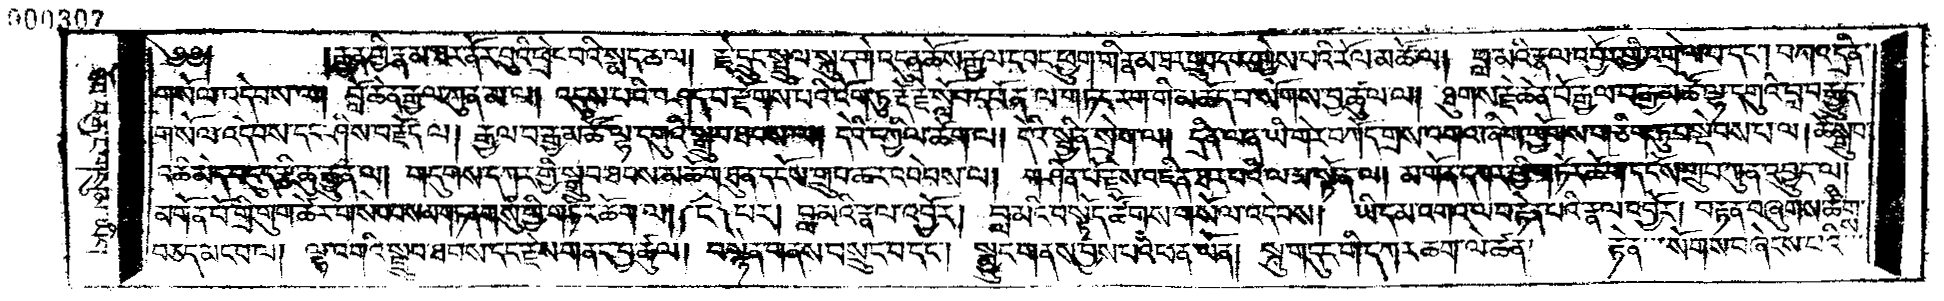༄༅། །རྒྱན་གྱི་རྣམ་ཐར་ནོར་བུའི་ཕྲེང་བའི་སྨད་ཆ་ལ། རྗེ་དྲུང་སྤྲུལ་སྐུ་དགེ་འདུན་ཆོས་རྒྱལ་དབང་ཕྱུག་གི་རྣམ་ཐར་གྲུབ་དབང་དགྱེས་པའི་རོལ་མཚོ་ལ། བླ་མའི་རྣལ་འབྱོར་གྱི་འགྲེལ་པ་དང་། བཀའ་དྲིན་
གསོལ་འདེབས་ལ། བློ་ཆེན་རྒྱལ་ཀུན་མ་ལ། འདུས་པའི་བཤད་པ་རྫོགས་པའི་འོག་ཏུ་རྡོ་རྗེ་སློབ་དཔོན་ལ་གཏང་རག་གི་མཆོད་པ་སོགས་བྱ་ཚུལ་ལ། ཐུགས་རྗེ་ཆེན་པོ་རྒྱལ་བ་རྒྱ་མཚོ་ལྷ་དགུའི་བླ་བརྒྱུད་
གསོལ་འདེབས་དང་ཤིས་བརྗོད་ལ། རྒྱལ་བ་རྒྱ་མཚོ་ལྷ་དགུའི་སྒྲུབ་ཐབས་ལ། དེའི་དཀྱིལ་ཆོག་ལ། དེའི་སྦྱིན་སྲེག་ལ། དྲིན་ལན་ཡི་གེར་བཀོད་གྲས་འགའ་ཞིག་ཕྱོགས་གཅིག་ཏུ་བསྡེབས་པ་ལ། ཚེ་སྒྲུབ་
འཆི་མེད་བདུད་རྩི་ཆུ་རྒྱུན་ལ། གདུགས་དཀར་གྱི་སྒྲུབ་ཐབས་མཆོག་ཐུན་དངོས་གྲུབ་ཆར་འབེབས་ལ། གཤིན་པོ་རྗེས་འཛིན་ཐར་བའི་ལམ་སྟོན་ལ། མགོན་དཀར་གྱི་གཏོར་ཆོག་དངོས་གྲུབ་ཀུན་འབྱུང་ལ།
མགོན་པོ་གྲི་གུག་ཚེར་གསེབ་བསམ་གཏན་གསུཾ་གྱི་གཏོར་ཆོག་ལ། ༼ང༽ པར། བླ་མའི་རྣལ་འབྱོར། བླ་མའི་བསྟོད་ཚོགས་གསོལ་འདེབས། ཡི་དམ་འགའ་ལ་བརྟེན་པའི་རྣལ་འབྱོར། བརྟན་བཞུགས་ཚིགས་
བཅད་མང་བ་ལ། ལྷ་འགའི་སྒྲུབ་ཐབས་དང་རྗེས་གནང་བྱ་ཚུལ། བསྙེན་གནས་བསྲུང་བ་དང་། སྨྱུང་གནས་བྱས་པའི་ཕན་ཡོན། སྐུ་གདུང་གི་དཀར་ཆག་ལེ་ཚན། རྟེན་སོགས་བཞེངས་པའི་